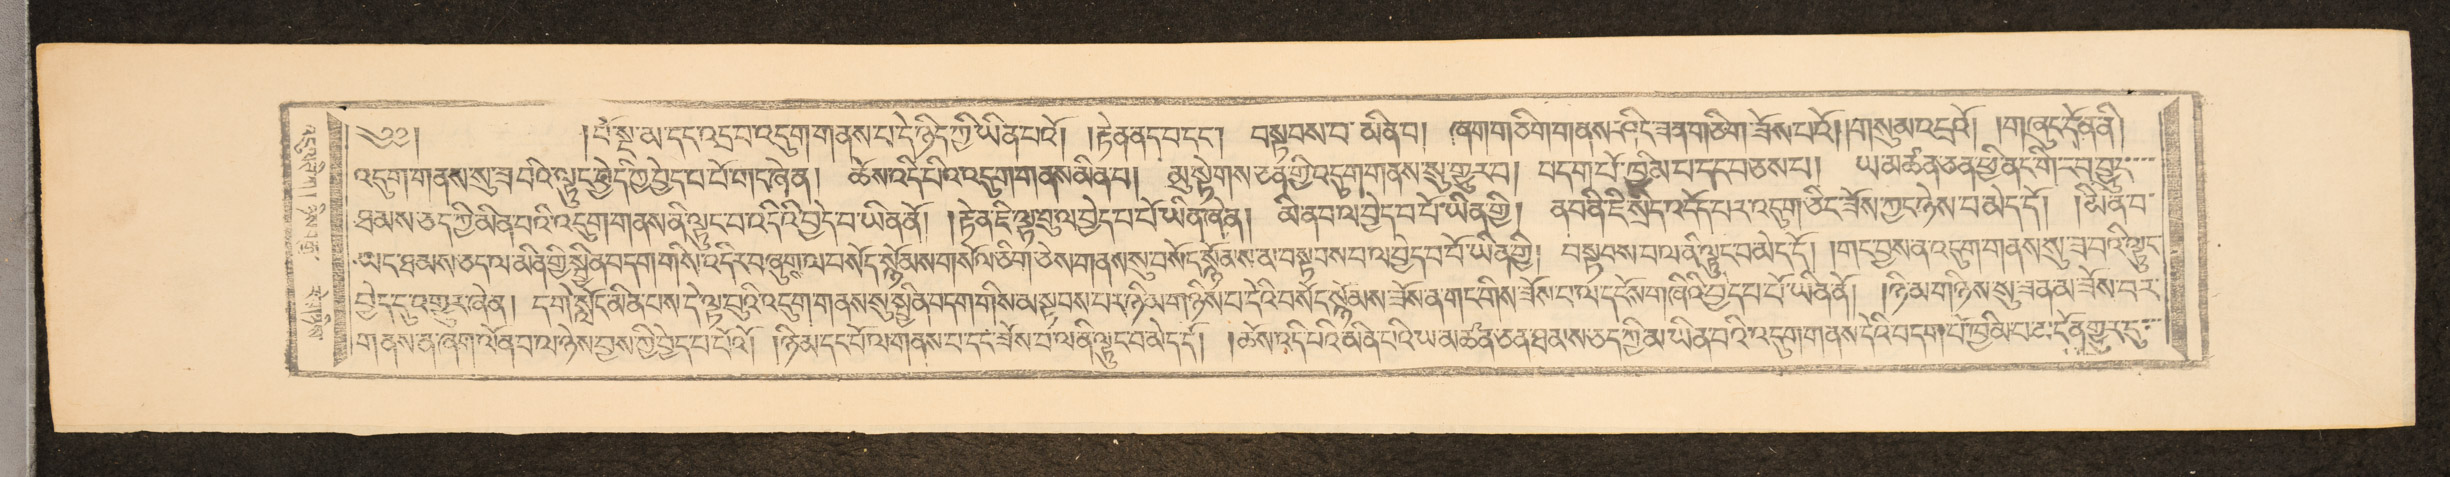༄༅། །པོ་སྔ་མ་དང་འདྲ་བ་འདུག་གནས་པ་དེ་ཉིད་ཀྱི་ཡིན་པའོ། །རྟེན་ནད་པ་དང་། བསྟབས་པ་མིན་པ། ཞག་གཅིག་གནས་ཤིང་ཟན་གཅིག་ཟོས་པའོ། །གསུམ་འདྲའོ། །གཞུང་དོན་ནི།
འདུག་གནས་སུ་ཟ་བའི་ལྟུང་བྱེད་ཀྱི་བྱེད་པ་པོ་གང་ཞེ་ན། ཆོས་འདི་པའི་འདུག་གནས་མིན་པ། མུ་སྟེགས་ཅན་གྱི་འདུག་གནས་སུ་གྱུར་པ། བདག་པོ་ཁྱིམ་པ་དང་བཅས་པ། ཡ་མཚན་ཅན་ཕྱི་ནང་གི་རབ་བྱུང་
ཐམས་ཅད་ཀྱི་མིན་པའི་འདུག་གནས་ནི་ལྟུང་བ་འདིའི་བྱེད་པ་ཡིན་ནོ། །རྟེན་ཇི་ལྟ་བུ་ལ་བྱེད་པ་པོ་ཡིན་ཞེ་ན། མིན་པ་ལ་བྱེད་པ་པོ་ཡིན་གྱི། ན་བ་ནི་ཇི་སྲིད་འདོད་པར་འདུག་ཅིང་ཟོས་ཀྱང་ཉེས་པ་མེད་དོ། །མིན་བ་
ཡང་ཐམས་ཅད་ལ་མིན་གྱི་སྦྱིན་བདག་གིས་འདིར་བཞུགས་ལ་བསོད་སྙོམས་གསོལ་ཅིག་ཅེས་གནས་སུ་བསོད་སྙོམས་མ་བསྟབས་པ་ལ་བྱེད་པ་པོ་ཡིན་གྱི། བསྟབས་པ་ལ་ནི་ལྟུང་བ་མེད་དོ། །གང་བྱས་ན་འདུག་གནས་སུ་ཟ་བའི་ལྟུང་
བྱེད་དུ་འགྱུར་ཞེ་ན། དགེ་སློང་མིན་པས་དེ་ལྟ་བུའི་འདུག་གནས་སུ་སྦྱིན་བདག་གིས་མ་སྟབས་པར་ཉི་མ་གཉིས་པ་དེའི་བསོད་སྙོམས་ཟོས་ན་གང་གིས་ཟོས་པ་ལ་དངོས་གཞིའི་བྱེད་པ་པོ་ཡིན་ལ། ཉི་མ་གཉིས་སུ་ཟན་མ་ཟོས་པར་
གནས་ན་ཞག་ལོན་པ་ལ་ཉེས་བྱས་ཀྱི་བྱེད་པ་པོའོ། །ཉི་མ་དང་པོ་ལ་གནས་པ་དང་ཟོས་པ་ལ་ནི་ལྟུང་བ་མེད་དོ། །ཆོས་འདི་པའི་མིན་པའི་ཡ་མཚན་ཅན་ཐམས་ཅད་ཀྱི་མ་ཡིན་པའི་འདུག་གནས་དེའི་བདག་པོ་ཁྱིམ་པ་མངོན་གྱུར་དུ་